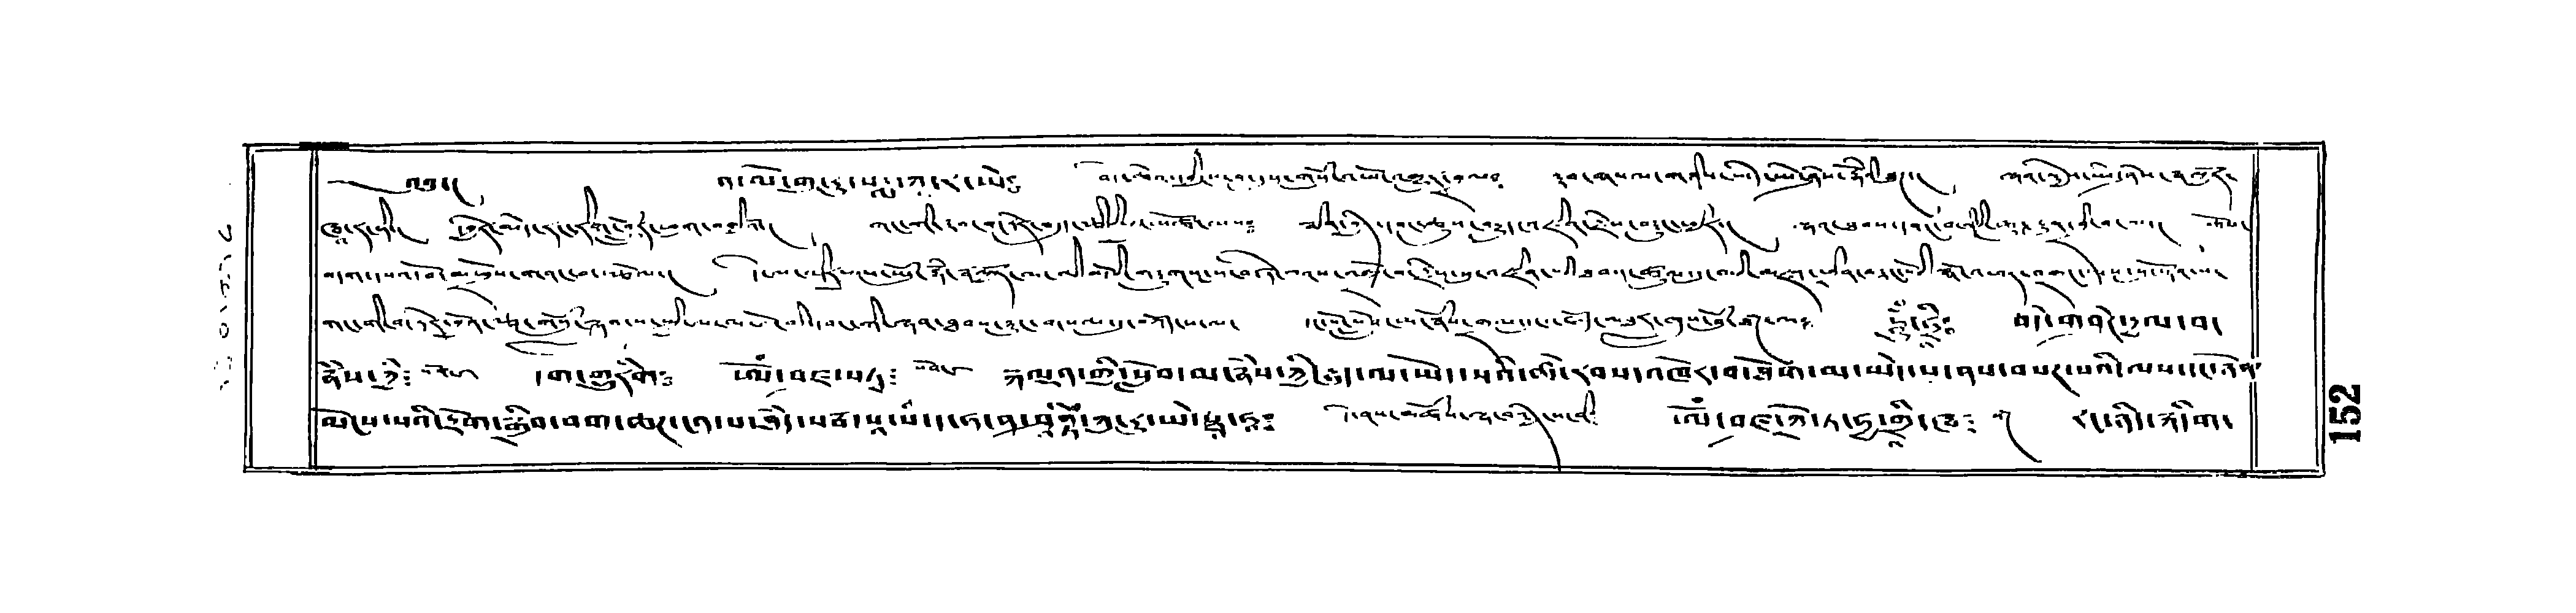ན་མོ་གུ་རུ་པདྨ་ཀཱ་ར་ཡེ། བདེ་ཆེན་དབྱིངས་ལ་དུས་གསུམ་འཕོ་འགྱུར་བྲལ། །ཟབ་གསལ་གཉིས་མེད་ཡེ་ཤེས་རྡོ་རྗེའི་ཐུགས། །ལྷན་སྐྱེས་ཡེ་ཤེས་རྣལ་འབྱོར་
ཝཱ་ར་ཧི། །དབྱེར་མེད་རང་རིག་བླ་མར་ཕྱག་བགྱིའོ། །གང་གི་ཟབ་གཏེར་བདུད་རྩིའི་རྒྱ་མཚོ་ལས། །སྨིན་བྱེད་དབང་ཆུས་བརྒྱུད་འཛིན་རྗེས་བཟུང་ཕྱིར། །ལྷན་ཐབས་དབང་བཞིའི་ཆུ་རྒྱུན་འབྲི་བ་ལ། །ཆོས་
བདག་དཔའ་བོ་མཁའ་འགྲོས་གནང་བསྩོལ། དེ་ལ་འདིར་རྒྱལ་ཡུམ་རྡོ་རྗེ་རྣལ་འབྱོར་མ་མི་མོའི་གཟུགས་སུ་བཞེངས་ནས་འགྲོ་བ་རྗེས་སུ་འཛིན་པའི་ཐབས་ཚུལ་དུ་མའི་མཛད་ཕྲིན་བཟང་པོའི་སྒོ་འཕར་བགྲང་ཡས་སུ་སྟོན་པ་
གང་གི་གཏེར་བྱོན་རྩ་གསུམ་སྒྲུབ་པ་སྤྱི་ལ་མཁོ་བའི་དབང་གི་ལྷན་ཐབས་ཉུང་གསལ་དུ་འགོད་པ་ལ། དང་པོ་སློབ་མ་རྣམས་གྲལ་དུ་འཁོད་མཐར་ཁྲུས་བུམ་ཐོགས་ལ། ཧཱུྃ་ཧྲཱིཿ བདེ་གཤེགས་རྒྱལ་བ་
རྣམས་ཀྱི༴ སོགས། དག་གྱུར་ཅིག༔ ཨོཾ་བཛྲ་སཏྭ༴ སོགས། སྐལ་ལྡན་གྱི་སློབ་མ་རྣམས་ཀྱི་རྒྱུད་ལ་ཡོད་པའི་ཚེ་རབས་འཁོར་བ་ཐོག་མ་མེད་པ་ནས་བསགས་པའི་ལས་དང་ཉོན་
མོངས་པའི་རྟོག་སྒྲིབ་བག་ཆགས་ངན་པ་ཐམས་ཅད་སརྦ་པཱ་པཾ་ད་ཧ་ན་ཤཱནྟིཾ་ཀུ་རུ་ཡེ་སྭཱ་ཧཱ༔ དེ་ནས་མཚམས་ལྷ་བསྐྱེད་པ་ནི། ཨོཾ་བཛྲ་ཀྲོ་ཏ་ཧྱ་གྲཱི་ཝ༴ སོགས། རང་ཉིད་སྐད་ཅིག་